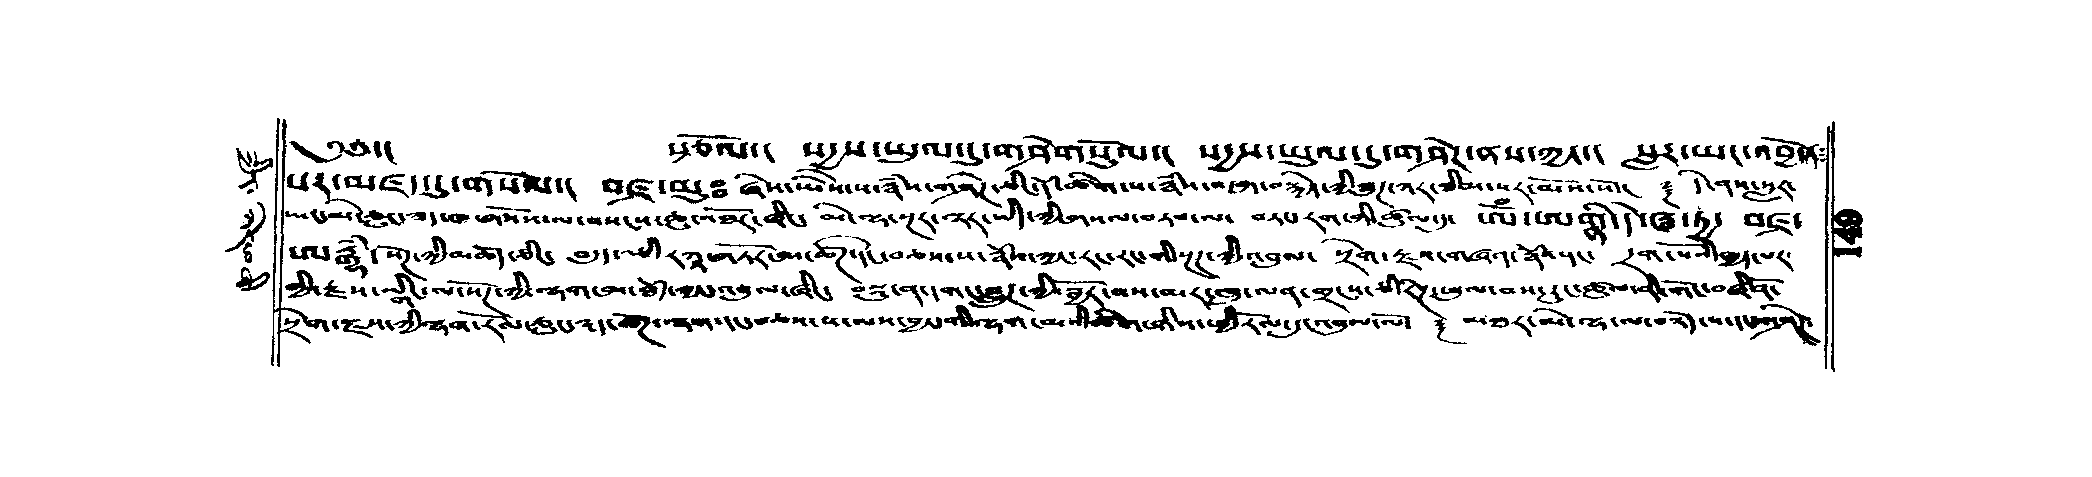སྩོལ། །སངས་རྒྱས་ཡུལ་དུ་གཤེགས་སུ་གསོལ། །སངས་རྒྱས་ཡུལ་དུ་གཤེགས་ནས་ཀྱང་།། སླར་ཡང་བྱོན་
པར་མཛད་དུ་གསོལ། །བཛྲ་མུཿ ཡེ་ཤེས་པ་རྣམས་གཤེགས་ཅིང་དམ་ཚིག་པ་རྣམས་བདག་བསྐྱེད་ཀྱི་ཐུགས་ཀར་ཐིམ་པར་མོས་སོ། ༈ དེ་ནས་སླར་
ཡང་མེ་ཅུང་ཟད་ཁ་གསོས་ལ་བསངས་ཆུ་འཐོར་ཞིང་། མེ་ལྷ་སྔར་ལྟར་ཡིད་ཀྱིས་གསལ་བཏབ་ལ། བཏང་རག་གི་ཚུལ་དུ། ཨོྃ་ཨགྣི་དེ་ཝ་ཏྱ། བཛྲ་
ཨརྒྷཾ་སོགས་ཀྱི་མཆོད་ཅིང་། བདུད་རྩི་རཀྟ་གཏོར་མ་ཚོགས་དང་བཅས་པ་རྣམས་ཀྱང་རང་རང་གི་སྔགས་ཀྱི་འབུལ། སྲེག་བྱེད་གཞན་རྣམས་དང་། དྲག་པོའི་ཁྱད་པར་
གྱི་རྫས་ལིངྒ་ལ་སོགས་ཀྱི་ལྷག་མ་ཐམས་ཅད་ཀྱང་འབུལ་ཞིང་། བསྡུ་ན་དགང་བླུགས་ཀྱི་སྦྱོར་བས་མར་ཁུ་ལན་གྲངས་ཅི་རིགས་ཕུལ་བས་རུང་ཚུལ་ནི་གོང་བཞིན་ནོ།
སྲེག་རྫས་ཀྱི་ལྷག་རོལ་ཅུང་ཟད་ཚོགས་ལྷག་དང་བཅས་པ་ལས་བྱང་གི་ལྷག་མའི་ཚིག་གིས་ཕྱི་རོལ་དུ་འབུལ་ལོ། ༈ མཐར་མེ་ལྷ་ལ་བསྟོད་པ་དང་བཤེགས་